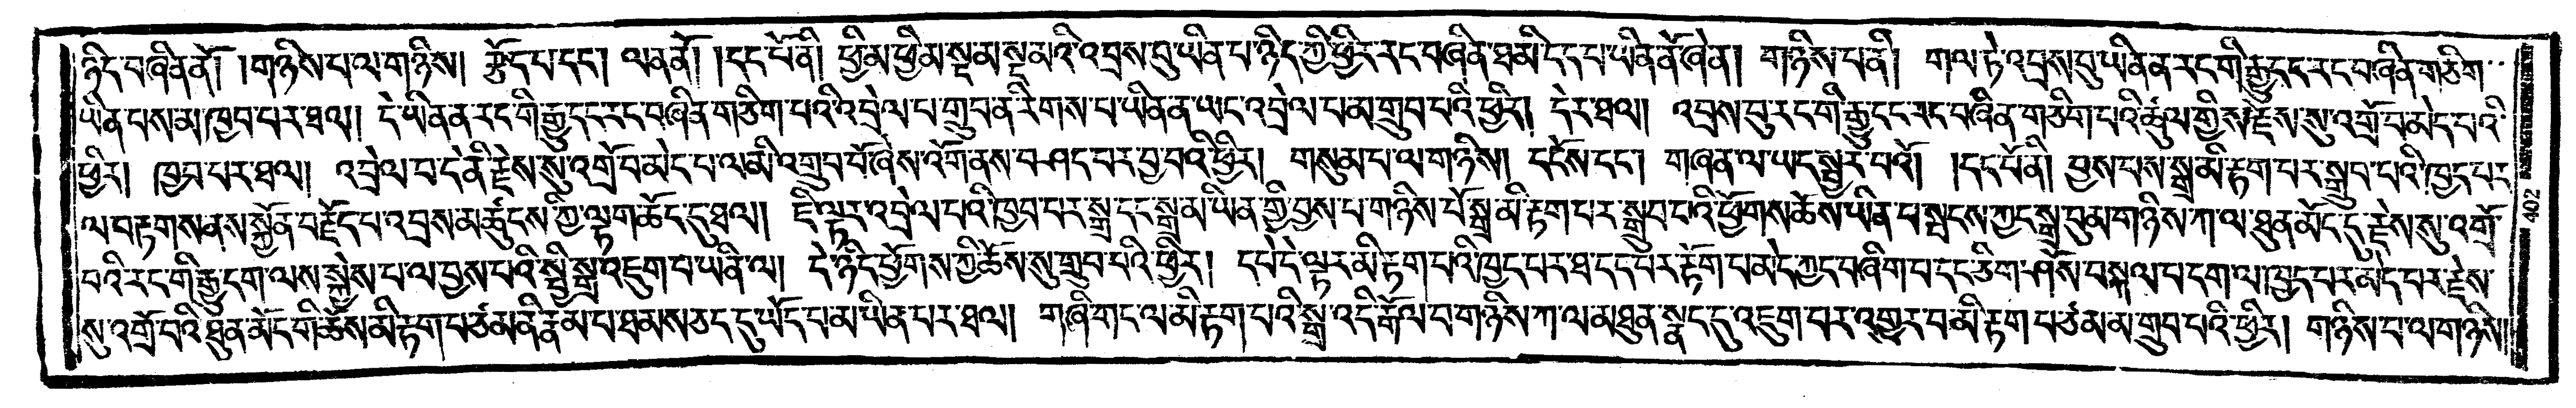ཉིད་བཞིན་ནོ། །གཉིས་པ་ལ་གཉིས། རྩོད་པ་དང་། ལན་ནོ། །དང་པོ་ནི། ཕྱི་མ་ཕྱི་མ་སྔ་མ་སྔ་མའི་འབྲས་བུ་ཡིན་པ་ཉིད་ཀྱི་ཕྱིར་རང་བཞིན་ཐ་མི་དད་པ་ཡིན་ནོ་ཞེ་ན། གཉིས་པ་ནི། གལ་ཏེ་འབྲས་བུ་ཡིན་ན་རང་གི་རྒྱུད་ང་རང་བཞིན་གཅིག་
ཡིན་པས་མ་ཁྱབ་པར་ཐལ། དེ་ཡིན་ན་རང་གི་རྒྱུ་དང་རང་བཞིན་གཅིག་པའི་འབྲེལ་པ་གྲུབ་པ་རིགས་པ་ཡིན་ན་ཡང་འབྲེལ་པ་མ་གྲུབ་པའི་ཕྱིར། དེར་ཐལ། འབྲས་བུ་རང་གི་རྒྱུ་དང་རང་བཞིན་གཅིག་པའི་ཚུལ་གྱིས་རྗེས་སུ་འགྲོ་བ་མེད་པའི་
ཕྱིར། ཁྱབ་པར་ཐལ། འབྲེལ་བ་དེ་ནི་རྗེས་སུ་འགྲོ་བ་མེད་པ་ལ་མི་འགྲུབ་བོ་ཞེས་འོག་ནས་བཤད་པར་བྱ་བའི་ཕྱིར། གསུམ་པ་ལ་གཉིས། དངོས་དང་། གཞན་ལ་ཡང་སྦྱར་བའོ། །དང་པོ་ནི། བྱས་པས་སྒྲ་མི་རྟག་པར་སྒྲུབ་པའི་ཁྱད་པར་
ལ་བརྟགས་ནས་སྐྱོན་བརྗོད་པ་འབྲས་མཚུངས་ཀྱི་ལྟག་ཆོད་དུ་ཐལ། ཇི་ལྟར་འབྲེལ་པའི་ཁྱད་པར་སྒྲ་དང་སྒྲ་མ་ཡིན་གྱི་བྱས་པ་གཉིས་པོ་སྒྲ་མི་རྟག་པར་སྒྲུབ་པའི་ཕྱོགས་ཆོས་ཡིན་པ་སྤངས་ཀྱང་སྒྲ་བུམ་གཉིས་ཀ་ལ་ཐུན་མོང་དུ་རྗེས་སུ་འགྲོ་
བའི་རང་གི་རྒྱུ་དག་ལས་སྐྱེས་པ་ལ་བྱས་པའི་སྤྱི་སྒྲ་འཇུག་པ་ཡིན་ལ། དེ་ཉིད་ཕྱོགས་ཀྱི་ཆོས་སུ་གྲུབ་པའི་ཕྱིར། དཔེ་དེ་ལྟར་མི་རྟག་པའི་ཁྱད་པར་ཐ་དད་པར་རྟོག་པ་མེད་ཀྱང་བཞིག་པ་དང་ཅིག་ཤོས་བསྐལ་པ་དག་ལ་ཁྱད་པར་མེད་པར་རྗེས་
སུ་འགྲོ་བའི་ཐུན་མོང་གི་ཆོས་མི་རྟག་པ་ཙམ་ནི་རྣམ་པ་ཐམས་ཅད་དུ་ཡོད་པ་མ་ཡིན་པར་ཐལ། གཞི་གང་ལ་མི་རྟག་པའི་སྒྲ་འདི་རྒོལ་བ་གཉིས་ཀ་ལ་མཐུན་སྣང་དུ་འཇུག་པར་འགྱུར་བ་མི་རྟག་པ་ཙམ་མ་གྲུབ་པའི་ཕྱིར། གཉིས་པ་ལ་གཉིས།།